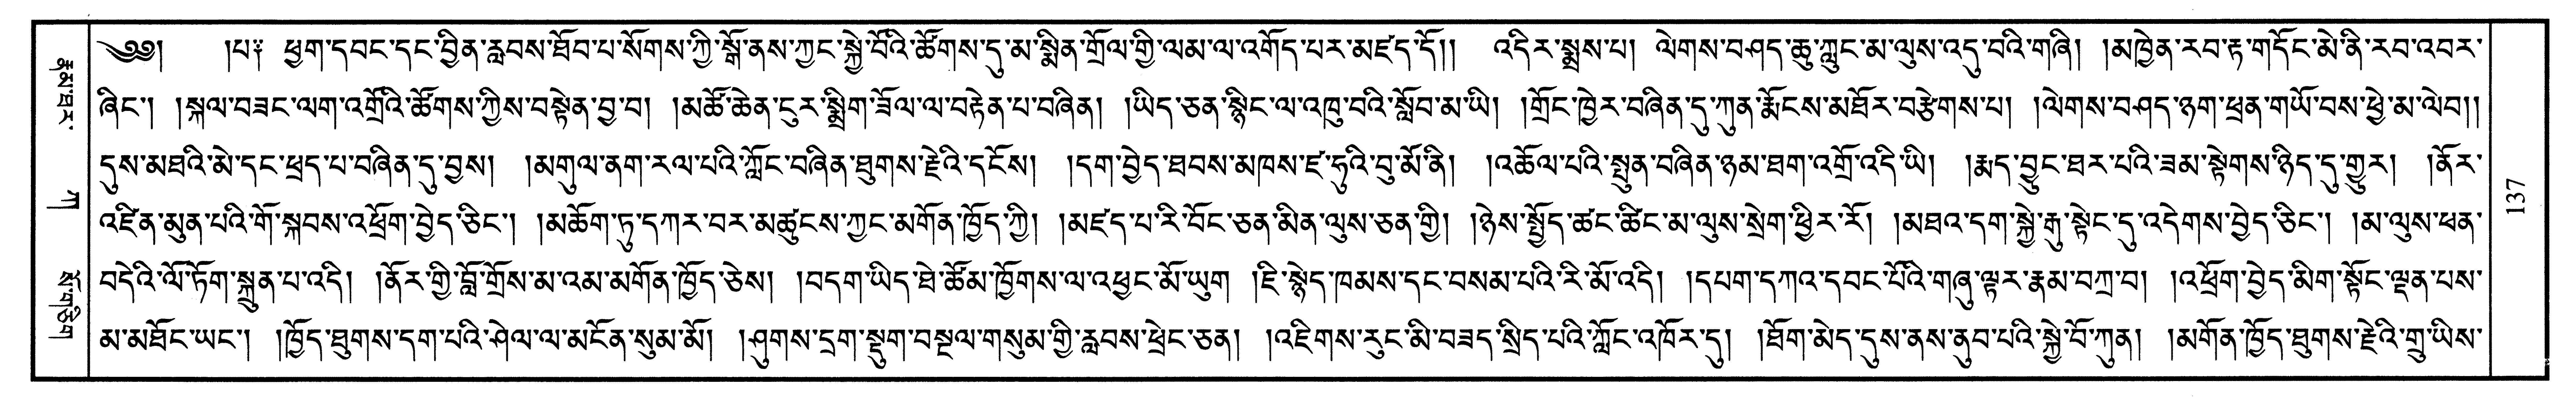༄༅། །པ༑ ཕྱག་དབང་དང་བྱིན་རླབས་ཐོབ་པ་སོགས་ཀྱི་སྒོ་ནས་ཀྱང་སྐྱེ་བོའི་ཚོགས་དུ་མ་སྨིན་གྲོལ་གྱི་ལམ་ལ་འགོད་པར་མཛད་དོ། །འདིར་སྨྲས་པ། ལེགས་བཤད་ཆུ་ཀླུང་མ་ལུས་འདུ་བའི་གཞི། །མཁྱེན་རབ་རྟ་གདོང་མེ་ནི་རབ་འབར་
ཞིང་། །སྐལ་བཟང་ལག་འགྲོའི་ཚོགས་ཀྱིས་བསྟེན་བྱ་བ། །མཚོ་ཆེན་ངུར་སྨྲིག་ཟོལ་ལ་བརྟེན་པ་བཞིན། །ཡིད་ཅན་སྙིང་ལ་འཁུ་བའི་སློབ་མ་ཡི། །གྲོང་ཁྱེར་བཞིན་དུ་ཀུན་རྨོངས་མཐོར་བརྩེགས་པ། །ལེགས་བཤད་ཉག་ཕྲན་གཡོ་བས་ཕྱེ་མ་ལེབ།།
དུས་མཐའི་མེ་དང་ཕྲད་པ་བཞིན་དུ་བྱས། །མགུལ་ནག་རལ་པའི་ཀློང་བཞིན་ཐུགས་རྗེའི་དངོས། །དག་བྱེད་ཐབས་མཁས་ཛ་ཧུའི་བུ་མོ་ནི། །འཆོལ་པའི་སྤུན་བཞིན་ཉམ་ཐག་འགྲོ་འདི་ཡི། །རྨད་བྱུང་ཐར་པའི་ཟམ་སྟེགས་ཉིད་དུ་གྱུར། །ནོར་
འཛིན་མུན་པའི་གོ་སྐབས་འཕྲོག་བྱེད་ཅིང་། །མཆོག་ཏུ་དཀར་བར་མཚུངས་ཀྱང་མགོན་ཁྱོད་ཀྱི། །མཛད་པ་རི་བོང་ཅན་མིན་ལུས་ཅན་གྱི། །ཉེས་སྤྱོད་ཚང་ཚིང་མ་ལུས་སྲེག་ཕྱིར་རོ། །མཐའ་དག་སྐྱེ་རྒུ་སྟེང་དུ་འདེགས་བྱེད་ཅིང་། །མ་ལུས་ཕན་
བདེའི་ལོ་ཏོག་སྐྲུན་པ་འདི། །ནོར་གྱི་བློ་གྲོས་མ་འམ་མགོན་ཁྱོད་ཅེས། །བདག་ཡིད་ཐེ་ཚོམ་ཁྱོགས་ལ་འཕྱང་མོ་ཡུག །ཇི་སྙེད་ཁམས་དང་བསམ་པའི་རི་མོ་འདི། །དཔག་དཀའ་དབང་པོའི་གཞུ་ལྟར་རྣམ་བཀྲ་བ། །འཕྲོག་བྱེད་མིག་སྟོང་ལྡན་པས་
མ་མཐོང་ཡང་། །ཁྱོད་ཐུགས་དག་པའི་ཤེལ་ལ་མངོན་སུམ་མོ། །ཤུགས་དྲག་སྡུག་བསྔལ་གསུམ་གྱི་རླབས་ཕྲེང་ཅན། །འཇིགས་རུང་མི་བཟད་སྲིད་པའི་ཀློང་འཁོར་དུ། །ཐོག་མེད་དུས་ནས་ནུབ་པའི་སྐྱེ་བོ་ཀུན། །མགོན་ཁྱོད་ཐུགས་རྗེའི་གྲུ་ཡིས་